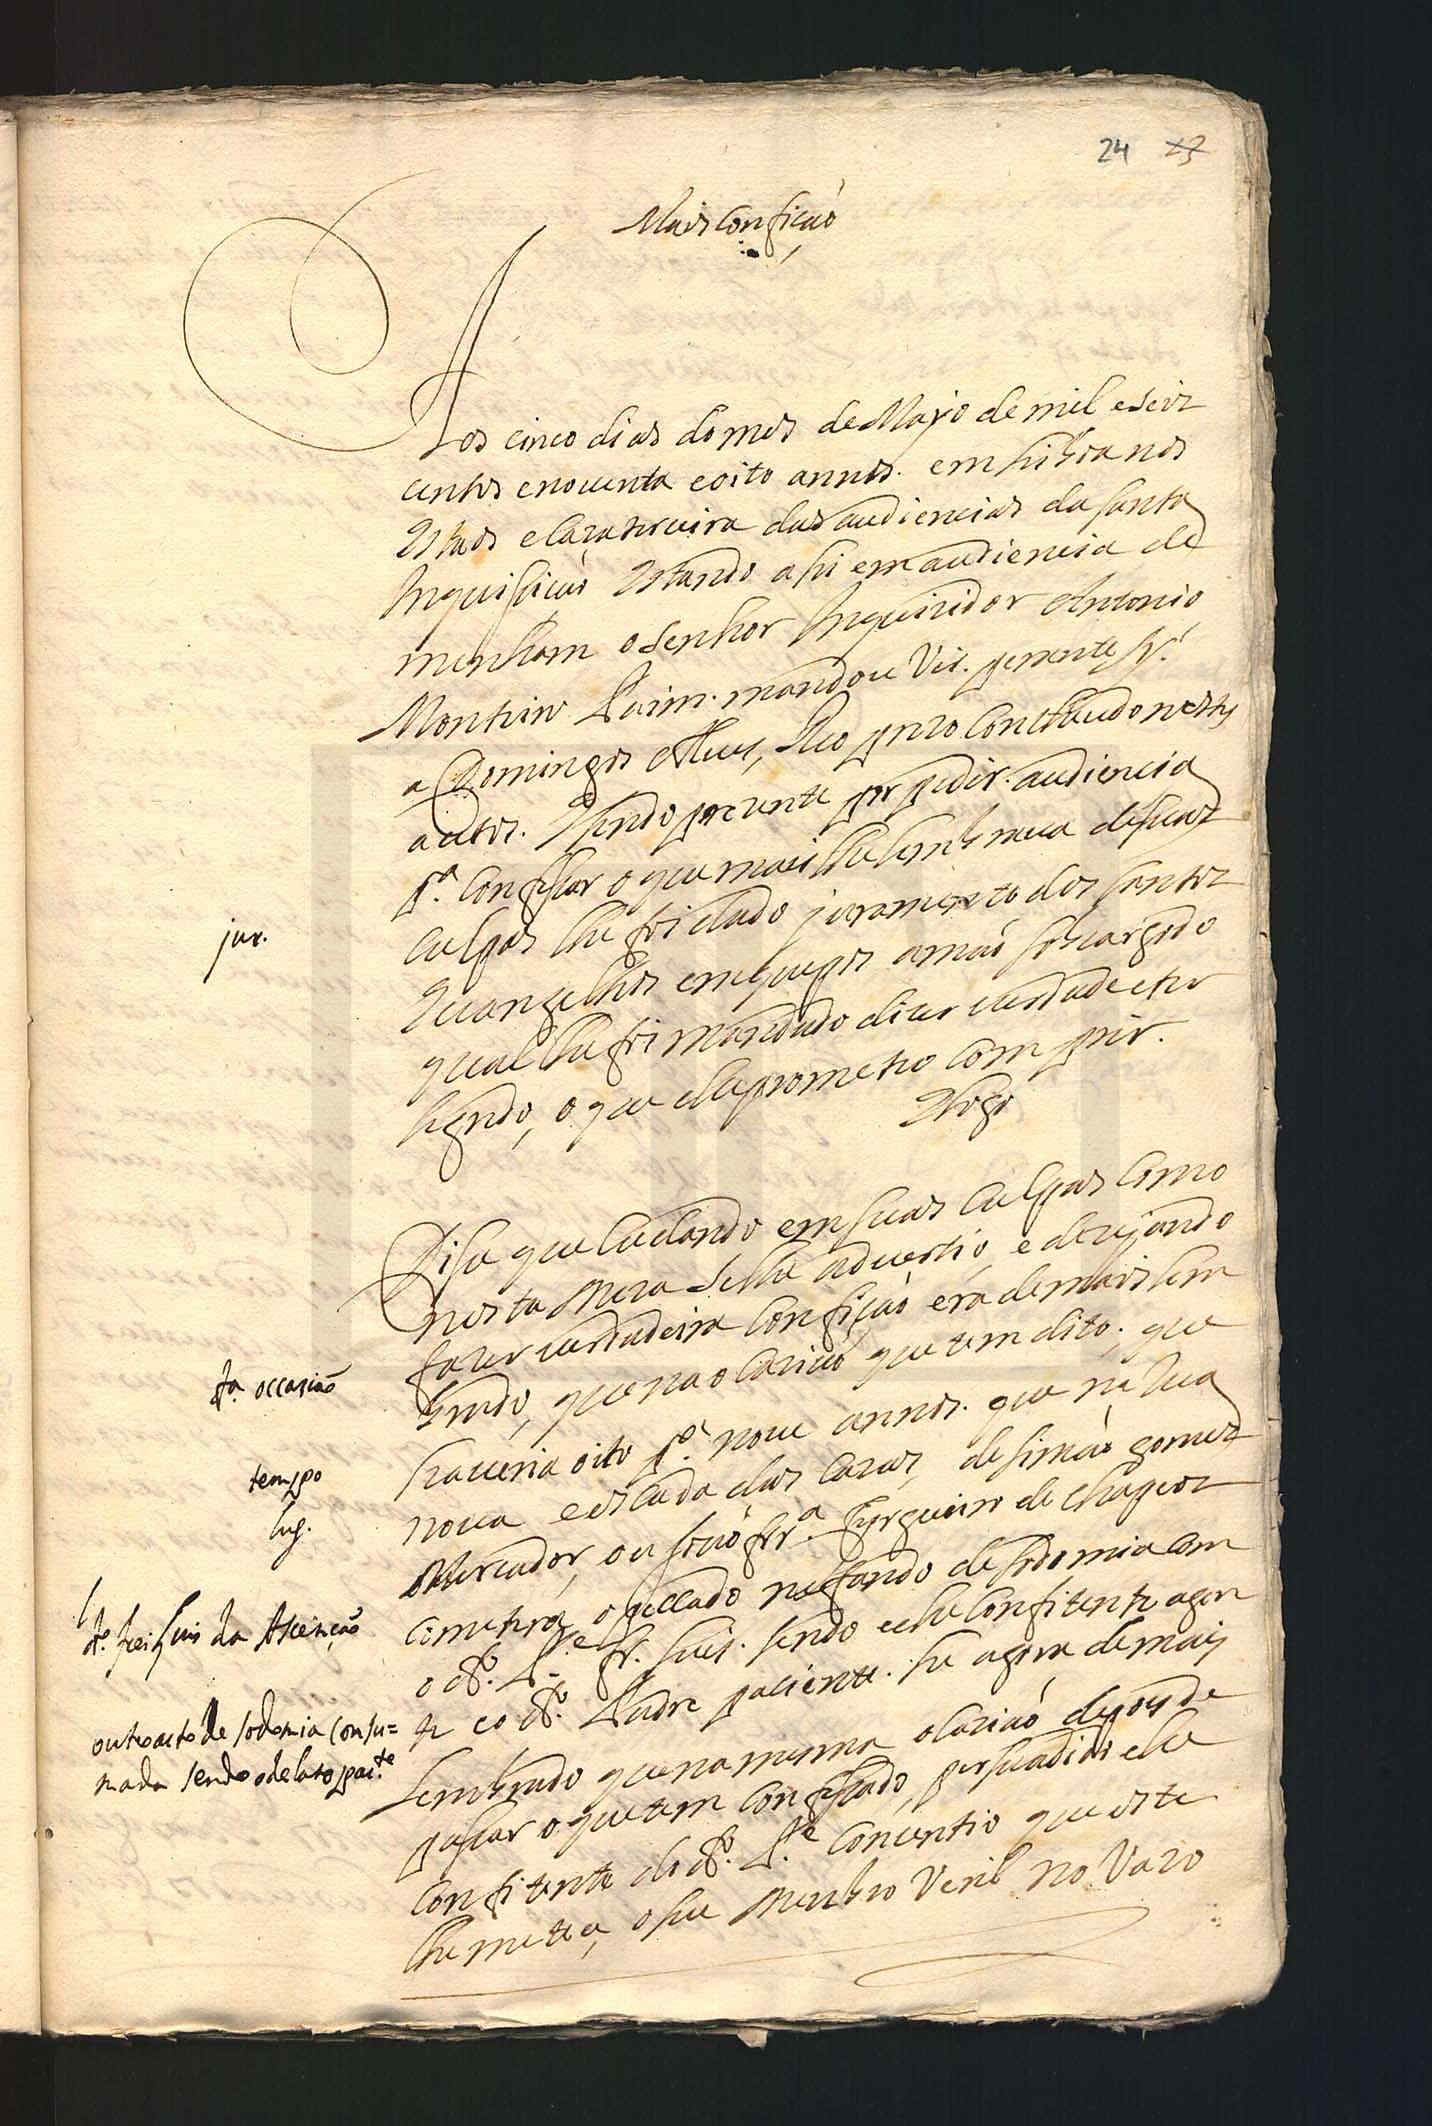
jur.
d̄a. occaziaõ
tempo
lug.
d̄.o frei Luis da Ascençaõ
outro acto de sodomia consu
mada sendo o delato pac.te
Mais Confiçaõ
Aos cinco dias do mes de Mayo de mil e seis
centos e nouenta e oito annos. em Lisboa nos
Estaos e Caza terceira das audiencias da santa
Inquisição estando ahi em audiencia de
menham o senhor Inquizidor Antonio
Monteiro Paim. mandou Vir perante sy.
a Domingos Alues, Reo prezo Contheudo nestes
autos. E Sendo prezente por pedir audiencia
p.a confessar o que mais lhe lembraua de suaz
culpas lhe foi dado juramento dos santoz
Euangelhos em que pos a maõ sob cargo do
qual lhe foi mandado dizer uerdade e ter
segredo, o que ele prometeo comprir
E logo
Disse que Cudando em suas culpas como
nesta meza se lhe advertio, e dezejando
fazer uerdadeira Confiçaõ era demais lem
brado, que na ocazião que tem dito; que
haueria oito p.a noue annos que na Rua
noua e escada das cazas, de simaõ gomez
Mercador, ou Joaõ frr.a Cyrgueiro de chapeoz
cometera o peccado nafando de sodomia com
o d̄o. P.e fr. Luis. sendo e elle Confitente agen
te e o d̄.o Padre paciente. he agora de mais
Lembrado que na mesma ocaziaõ depois de
passar o que tem confessado, persuadido elle
Confitente do d̄.o P.e concentio, que este
lhe meteo, o seu membro veril no vazo
